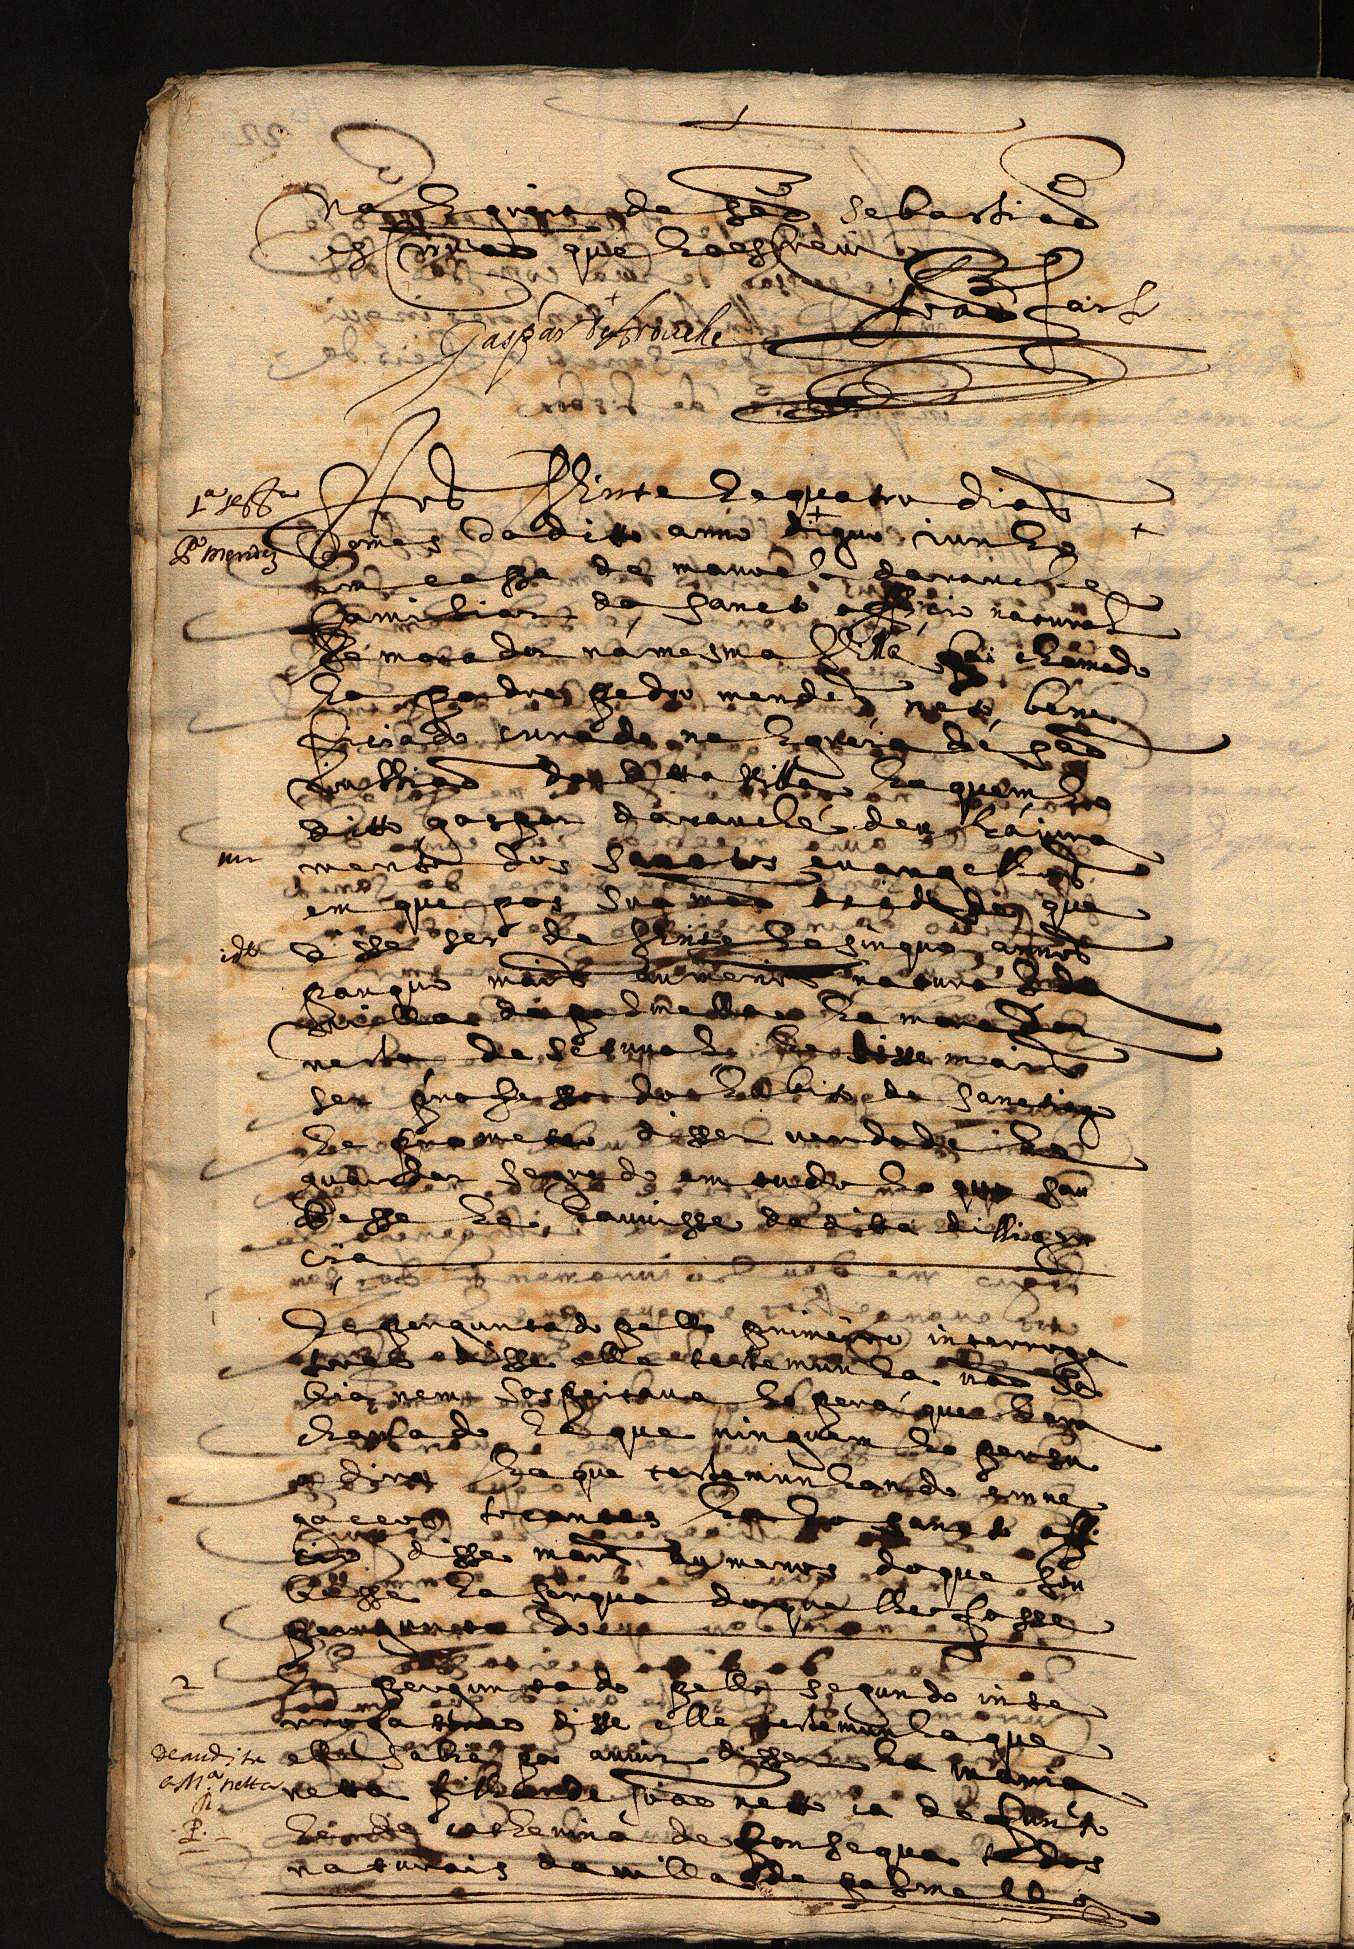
na Egreia de saõ sebastiaõ
EsCriuaõ que ho escreui
Joaõ farso
Gaspar de Arouche
1a testa
Po mendez
Aos Vinte e quatro dias
do mes do ditto anno diguo iunho
em cassa de manoeL darouche
familiar do sancto officio naturaL
e morador na mesma Villa foi chamado
ho padre pedro mendes neto, bene
ficiado curado na Egreia de saõ
iullião da ditta villa ha quem ho
ditto gaspar darouche deu ho iura
mento dos sanctos euangelhos
iur
em que pos sua mão de idade que
disse ser de Vinte he sinquo annos
ide
pouquo mais ou menos natural da
uilla de palmella he morador
nesta de setuual he disse mais
ser professo do habito de Sanctiago
he prometeo disser uerdade he
guardar segredo em tudo ho que sou
besse he houuisse da dita dilligen
cia
he perguntado pello primeiro interroga
torio disse elle testemunha não sa
bia nem sospeitaua ho pera que hera
chamado he que ninguem ho persu
adira ha que testemunhando em ne
goceos tocantes haho sancto offi
cio disse mais ou menos do que sou
besse haserqua do que lhe fosse
perguntado
E perguntado pello segundo inte
2
rrogatorio disse elle testemunha que
de audita
a M.a netta
elle sabia por ouuir disser ha maria
netta filha de joaõ netto ia defunto
R
he de catherina de fonsequa todos
P.
naturais da uilla de palmella
